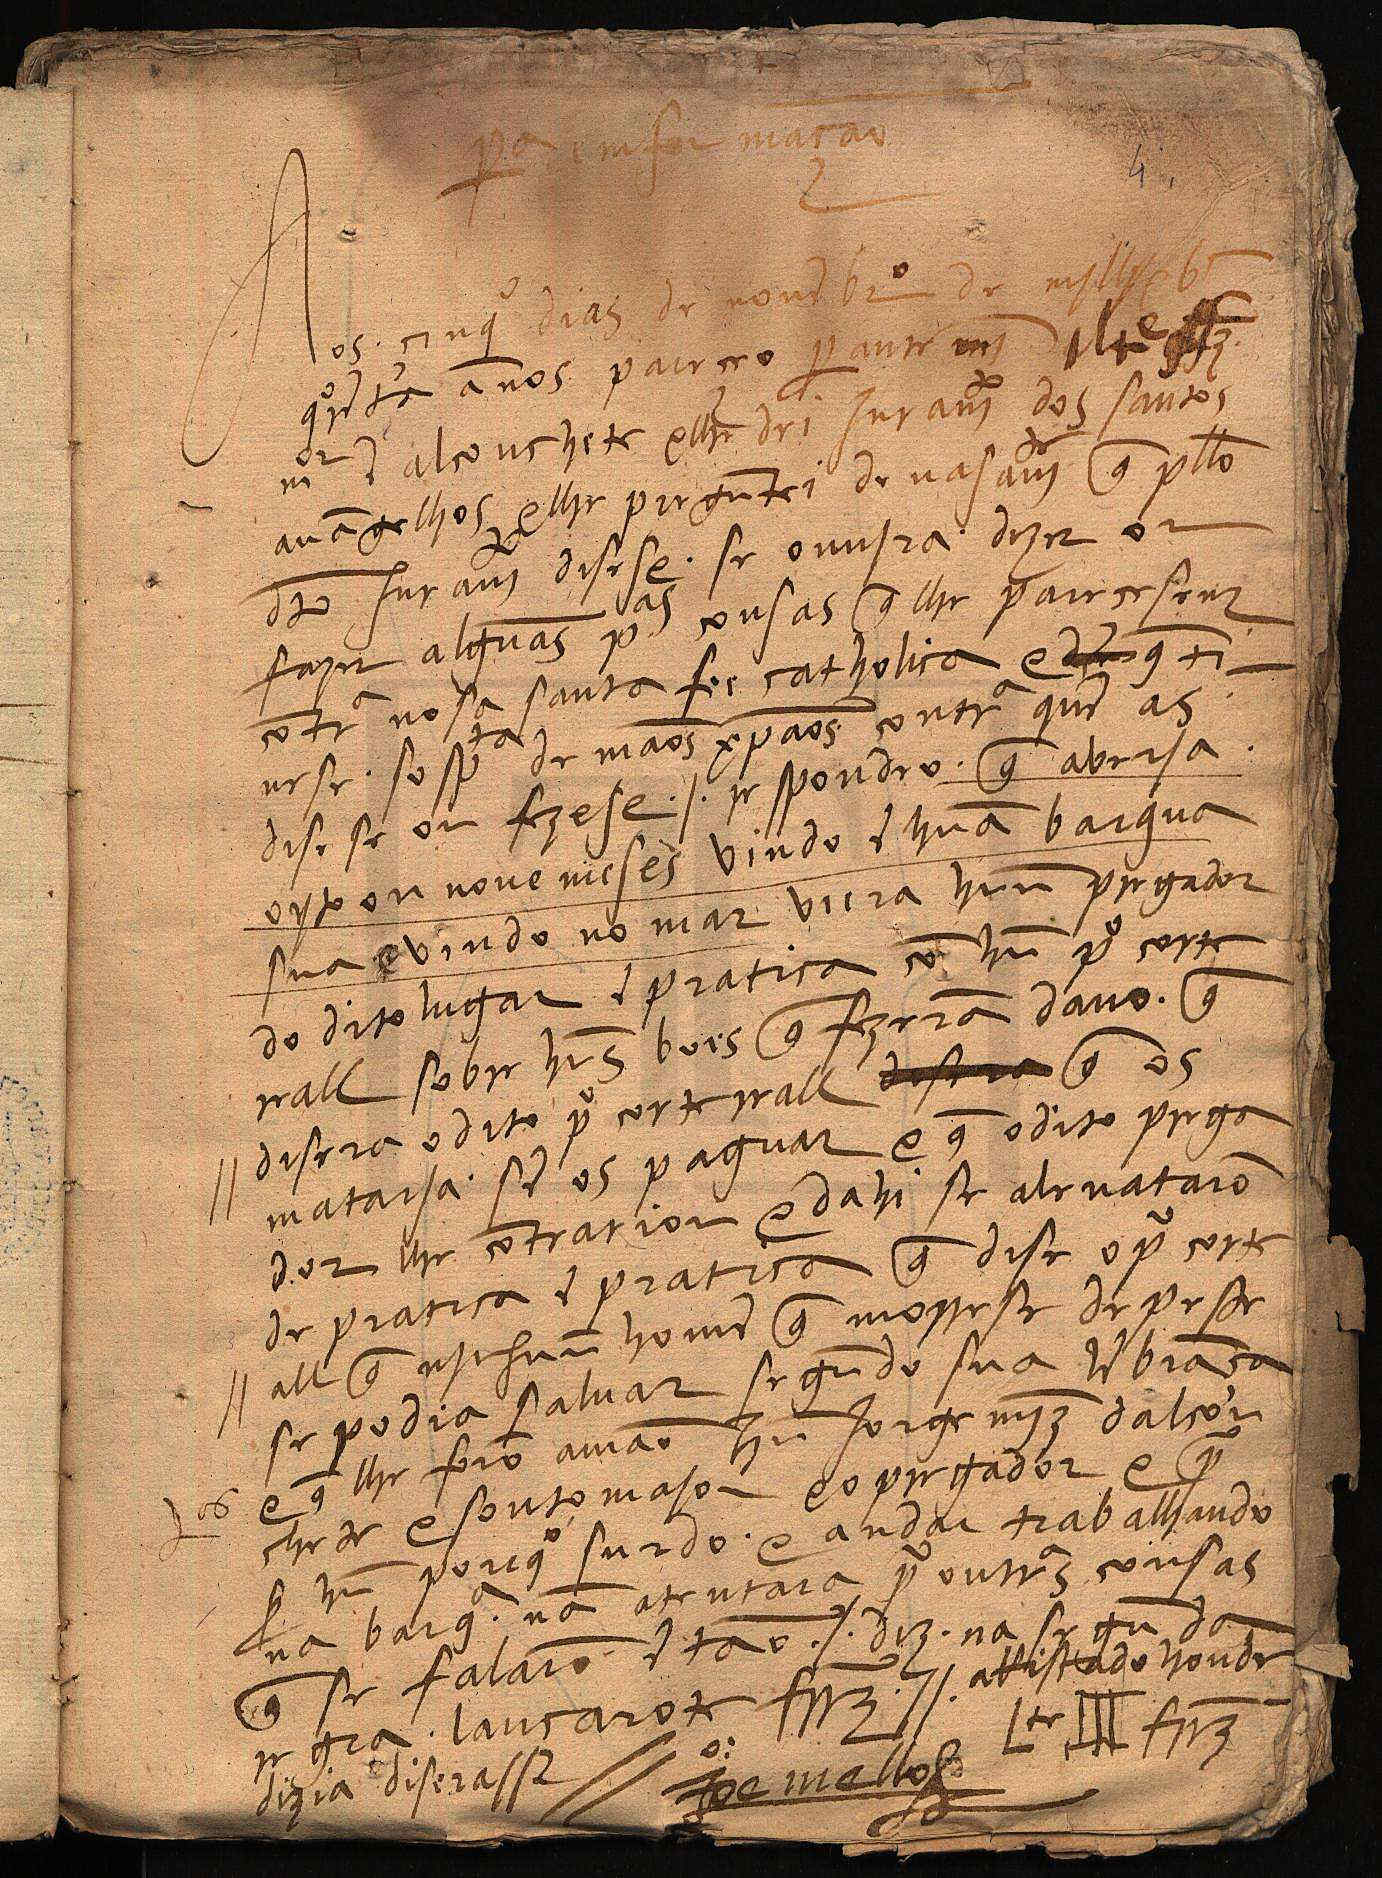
Ꝑa emformação
Aos çinqo dias de nouēbro de mjll_ e bc
qorēta ānos pareçeo ꝑante m̄j _ lte ff̄z.
mor ē alcouchete e lhe dei Juramto dos santos
auāgelhos e lhe pregūtei deuasamte q̄ pl̄lo
d̄to Juramto disese. se ouujra dizer ou
fazer algūas p.as cousas q̄ lhe pareçesem
c̄otra nosa santa fee catholica e d__ q̄ ti
uese . sospta de maos xpãos. contra quē as
disese ou fezese ./. respondeo . q̄ averja
oyto ou noue meses vindo ē huā barqua
sua e vindo no mar viera hūu pregador
do dito lugar ē pratica cō hū po corte
reall sobre hūs boes q̄ fezerā dano. q̄
disera o dito po corte reall disera q̄ os
matarja. sē os paguar e q̄ o dito prega
dor lhe c̄otrariou e dahi se aleuatarō
de pratica ē pratica q̄ dise o po corte
all q̄ njnhuū homē q̄ morrese de peste
se podia saluar segūdo sua lēbrāça
e q̄ lhe forō a mão hū Jorge m̄iz dalcou
chete e soutomajor e o pregador e p̄o
ꞩ hū pouqo surdo. e andar trabalhando
na barqa. nā atentara p̄o outras cousas
q̄ se falar̄o ētão ./. diz. na segūda
regra. lançarote frr̄z .//. aRiscado honde
dizia disera //
